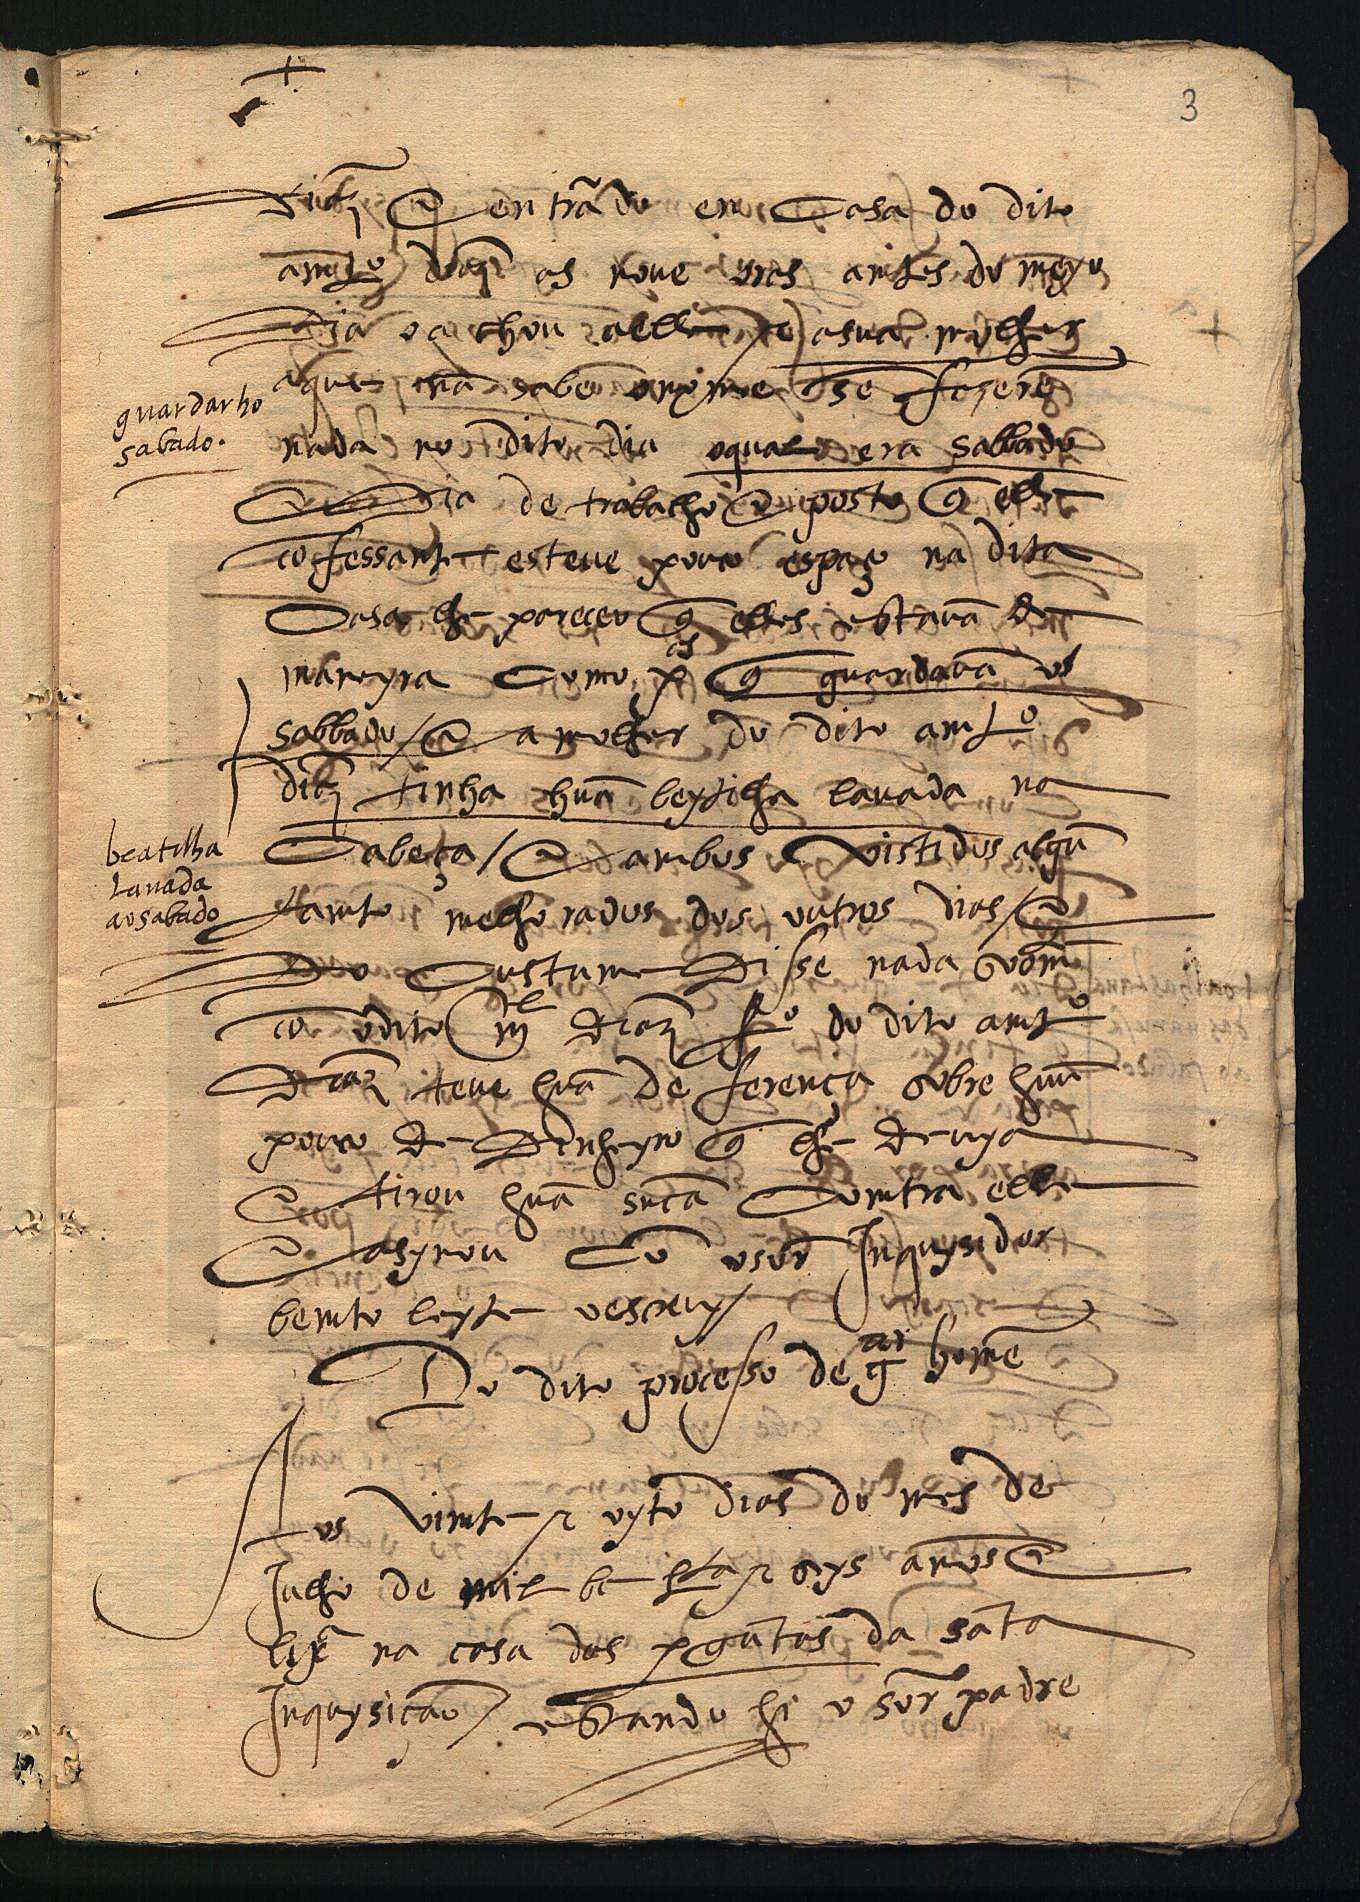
diaz e entrādo em Casa do dito
amto diaz as noue oras amtes do meyo
dia o achou a elle e a sua molher
a que nā sabe o nome sē fazerē
guardar ho
sabado.
nada no dito dia o qual era sabbado
e dia de trabalho e posto q̅ elle
cōfessante esteue pouco espaço na dita
Casa lhe pareceo q̄ elles estauā de
maneyra Como yos q̄ guardavā o
sabbado / e a molher do dito amto
diaz tinha huā beytilha lauada na
beatilha
Cabeça / e ambos vistidos algū
Lauada
tamto melhorados dos outros dias / e
ao sabado
Do Custume Disse nada soomte
c̄o o dito mel diaz fo do dito amto
diaz teue huā deferença sobre hu̅u
pouco de Dinheyro q̄ lhe deuya
e tirou huā snc̄a Comtra elle
e asynou Cō o sor̄ Jnquysidor
bemto leyte o escrevy /
Do dito processo de gar homē
Aos vimte e oyto dias do mes de
Julho de miL bc Lta e seys an̄os ē
lixa na casa das ꝑgūtas da sāta
Jnquysição / estando hi o sōr padre
